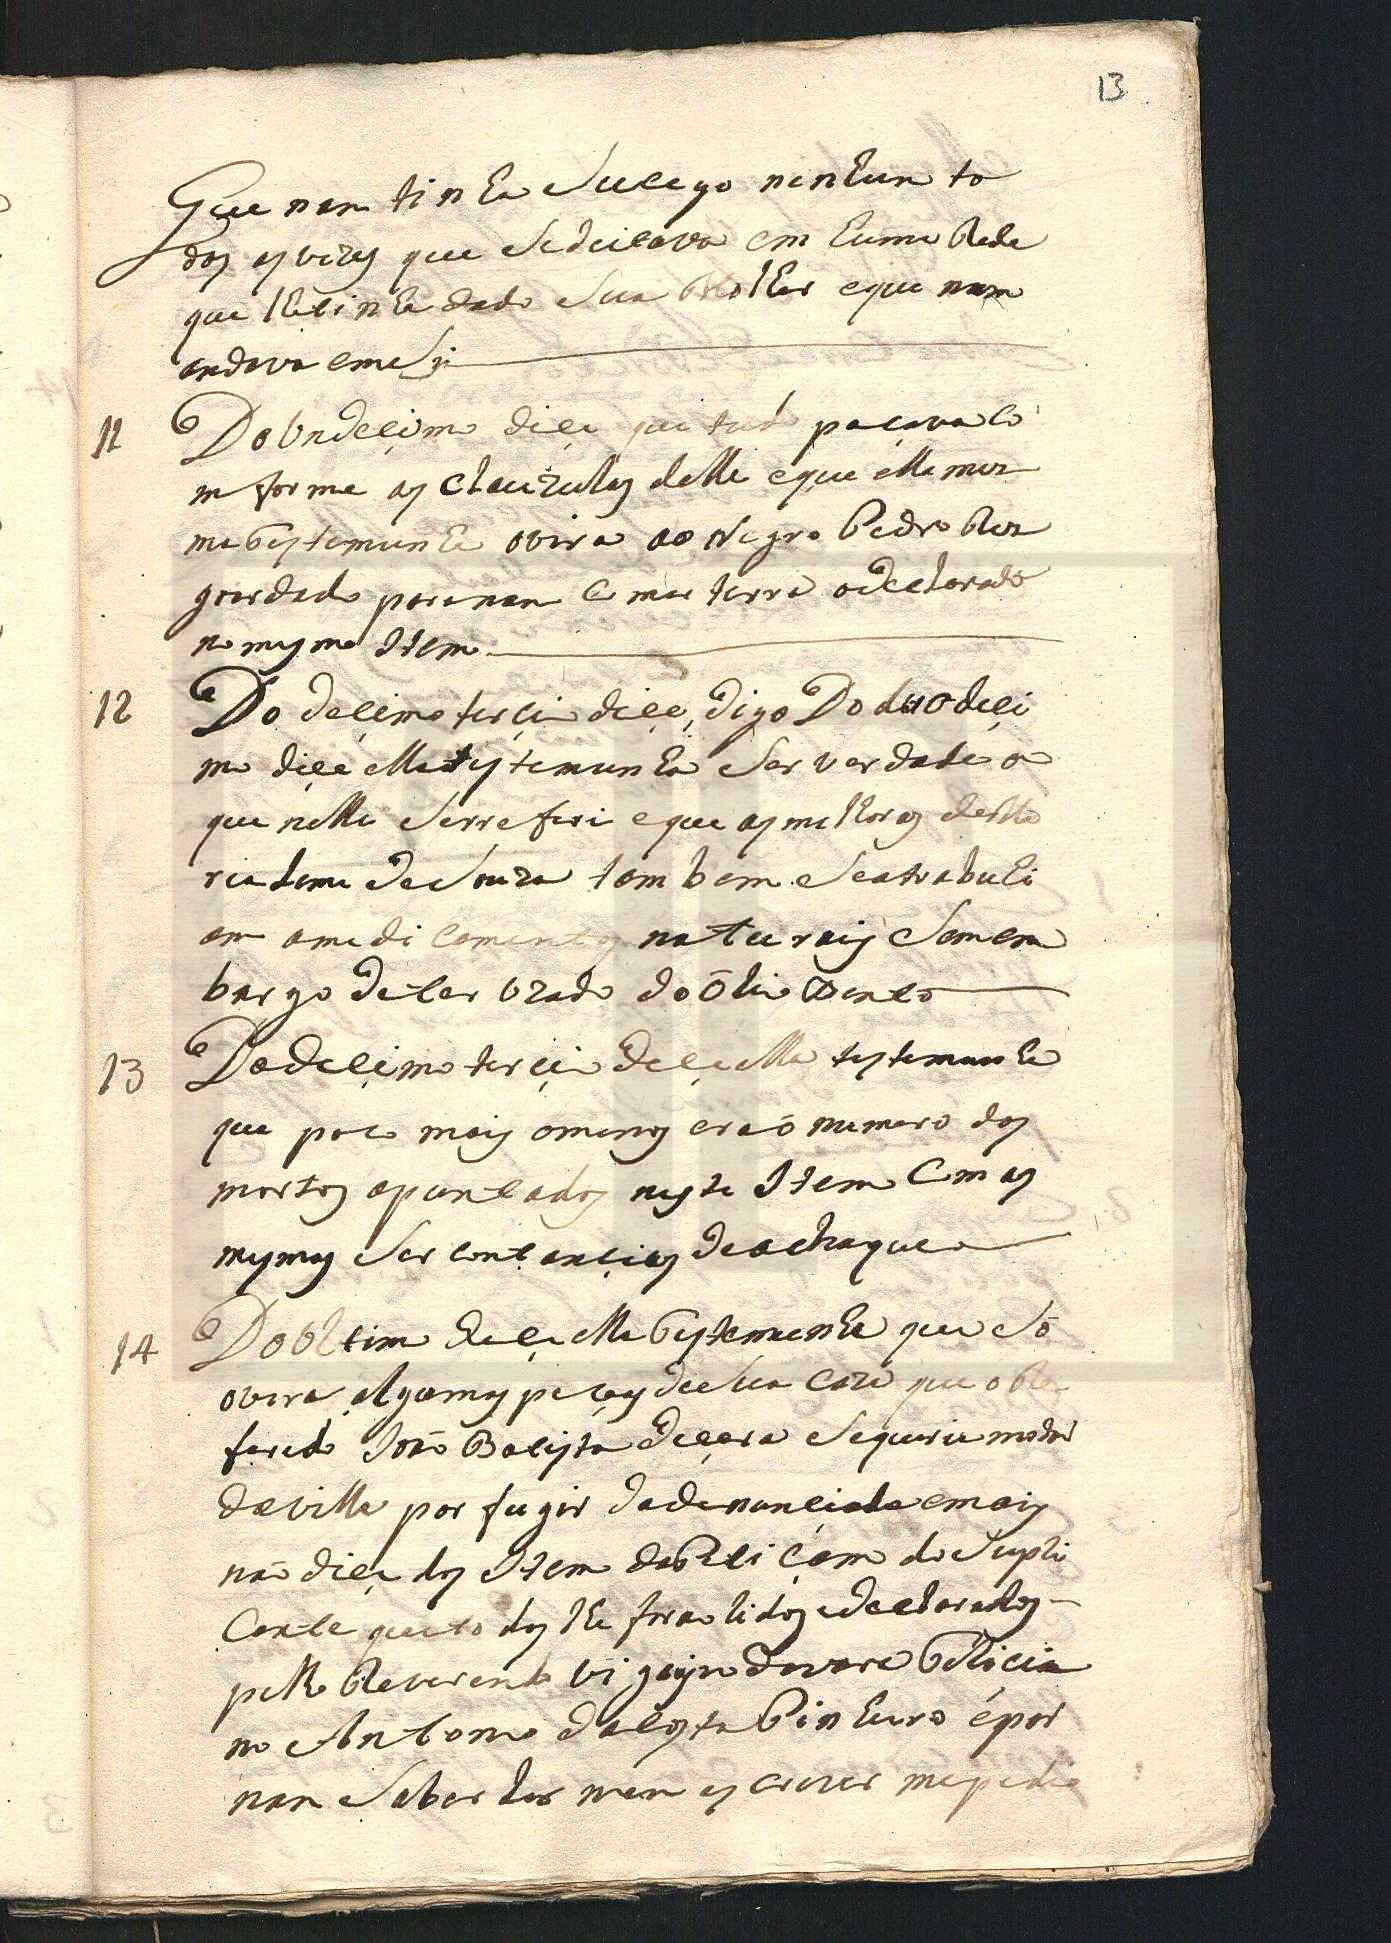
11
12
13
14
Que nam tinha sucego nenhun to
dos as vezes que se deitava em huma Rede
que lhe tinha dado sua Molher e que nam
andava em sy
Do vndeçimo diçe que tudo paçava co
mforme as clauzulas delle e que ella mes
ma Testemunha ovira ao Negro Pedro Rez
goardado para nan comer terra o declarado
no mesmo Item
Do deçimoterçio diçe, digo Do duodeçi
mo diçe elle testemunha ser verdade a
que nella se rreferi e que as melhoras de Ma
ria Leme de souza tambem se atrabuhi
am a medicamentos naturais sem em
bargo de ter uzado do ólio Bento
Do deçimotercio diçe ella testemunha
que poco mais o menos eraõ numero dos
mortos apuntados neste Item com as
mesmas sercontançias de achaque
Do ultimo diçe ella Testemunha que só
ovira algumas peçoas de sua caza que o Re
ferido Ioão Batista deçera se queria modar
da villa por fugir da denunçiada e mais
naõ diçe dos Item da Petiçam do supli
cante que todos lhe forao lidos e declarados
pello Reverendo vigayro da vara Feliçia
no Antonio da costa Pinheiro e por
nan saber ler nem escrever me pedio
